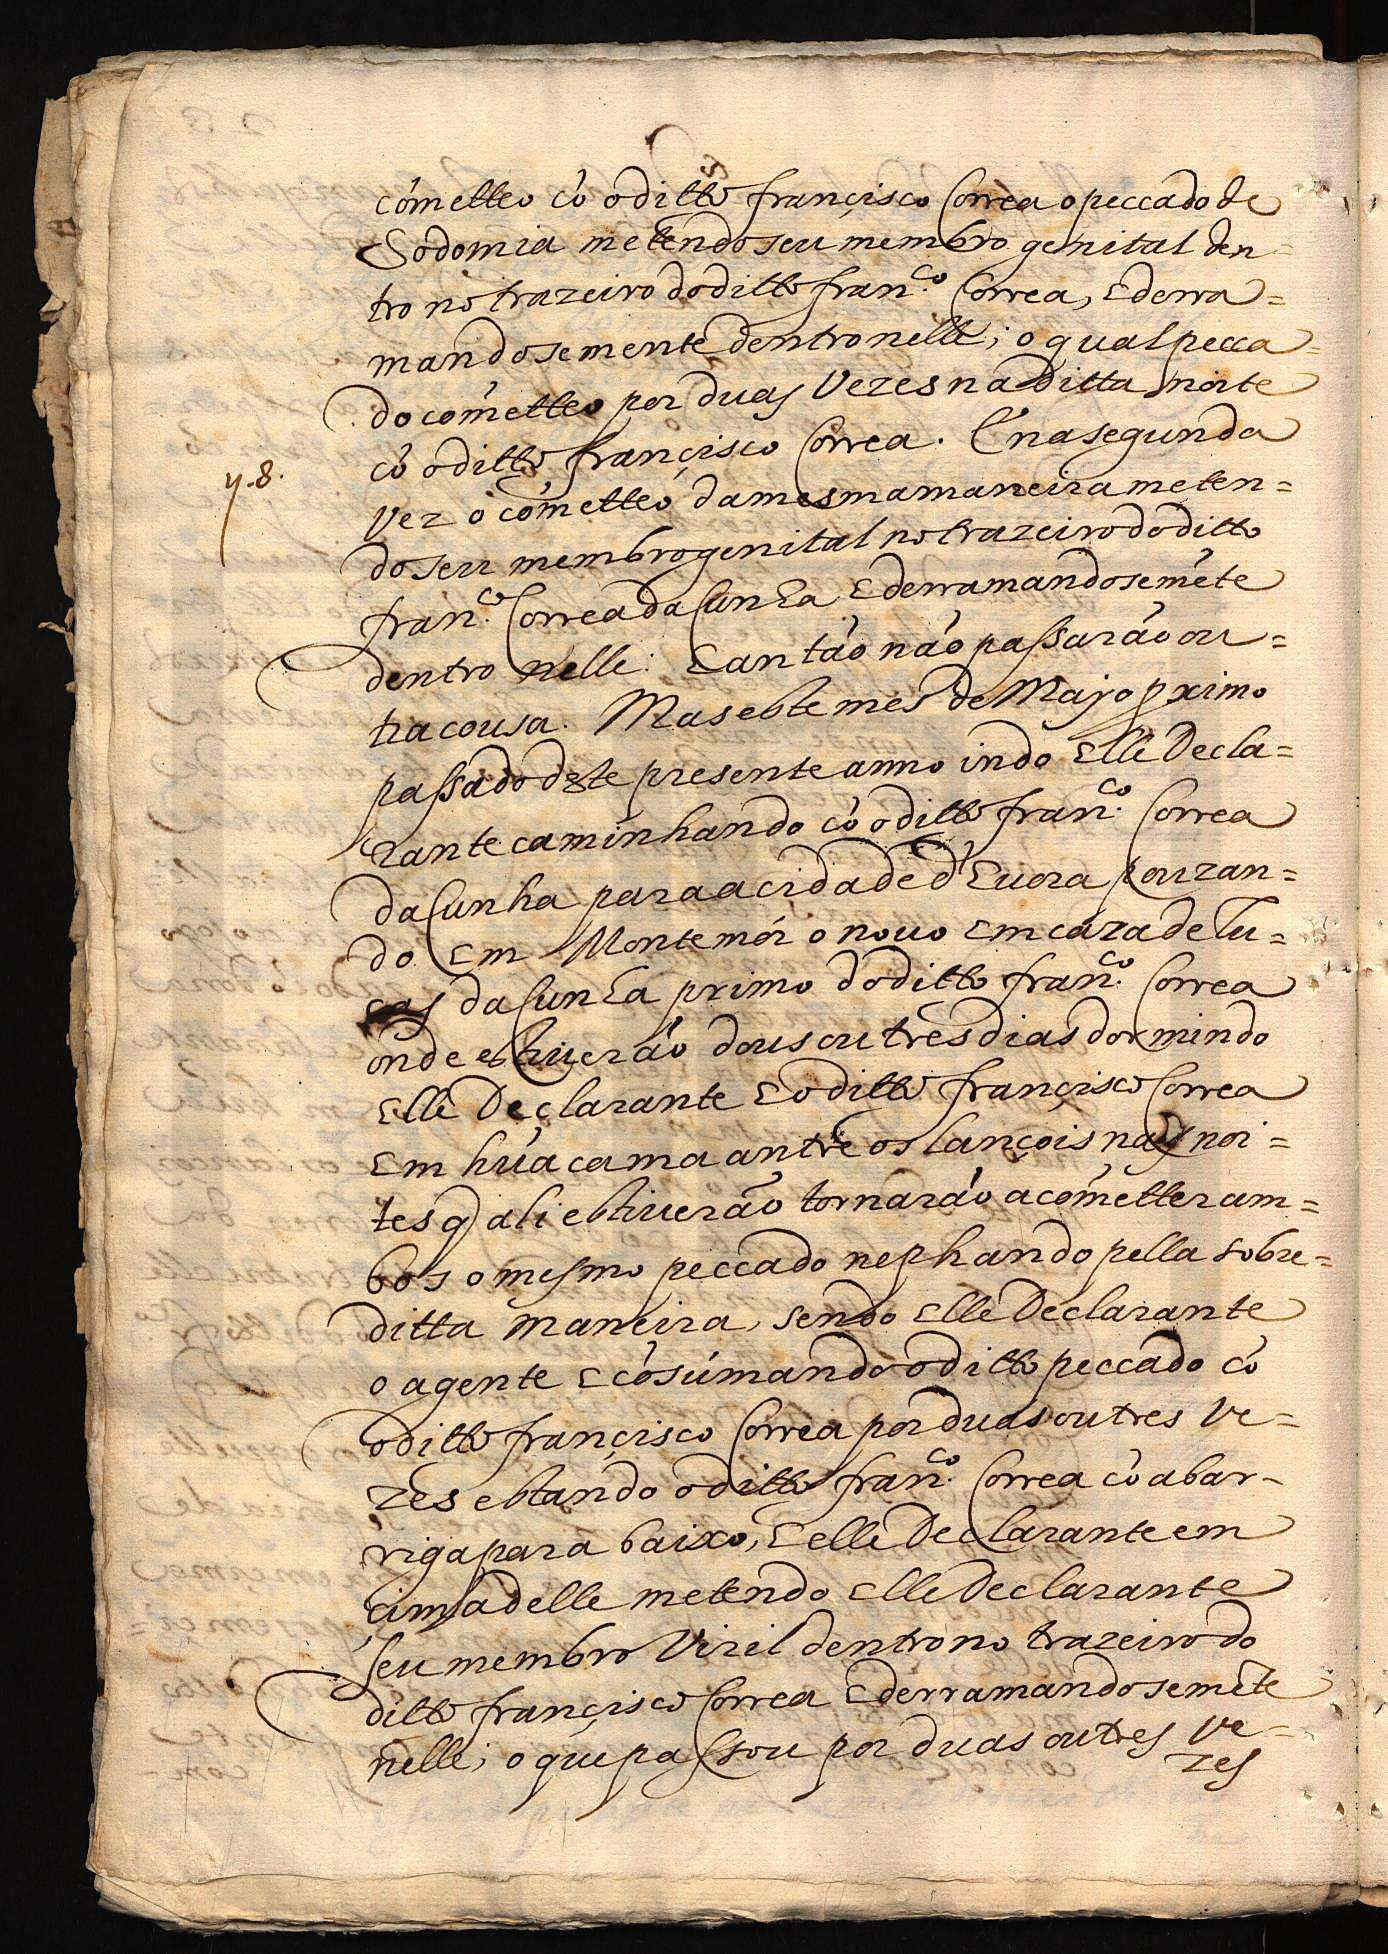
com̄etteo cō o ditto françisco Correa o peccado de
Sodomia metendo seu membro genital den
tro no trazeiro do ditto franco. Correa, E derra
mando semente dentro nelle; o qual pecca
do com̄etteo por duas Vezes na ditta noite
cō o ditto françisco Correa. E na segunda
Vez o com̄etteo da mesma maneira meten
do seu membro genital no trazeiro do ditto
franco. Correa da Cunha E derramando semēte
dentro nelle: E antaõ naõ passaraõ ou
tra cousa. Mas este mes de Mayo ꝓximo
passado deste presente anno indo Elle Decla
rante caminhando cō o ditto franco. Correa
da Cunha para a çidade d'Euora pouzan
do Em Montemór o nouo Em caza de Lu
cas da Cunha primo do ditto franco. Correa
onde estiueraõ dous ou tres dias dormindo
Elle Declarante E o ditto françisco Correa
Em huā cama antre os lançois nas noi
tes q̄ ali estiuerão tornaraõ a com̄etter am
bos o mesmo peccado nephando pella sobre
ditta maneira, sendo Elle Declarante
o agente E cōsúmando o ditto peccado cō
o ditto françisco Correa por duas ou tres ve
zes estando o ditto franco. Correa cō a bar
riga para baixo, E elle Declarante em
çima delle metendo Elle Declarante
seu membro Viril dentro no trazeiro do
ditto françisco Correa E derramando semēte
nelle; o que passou por duas ou tres ve
zes
